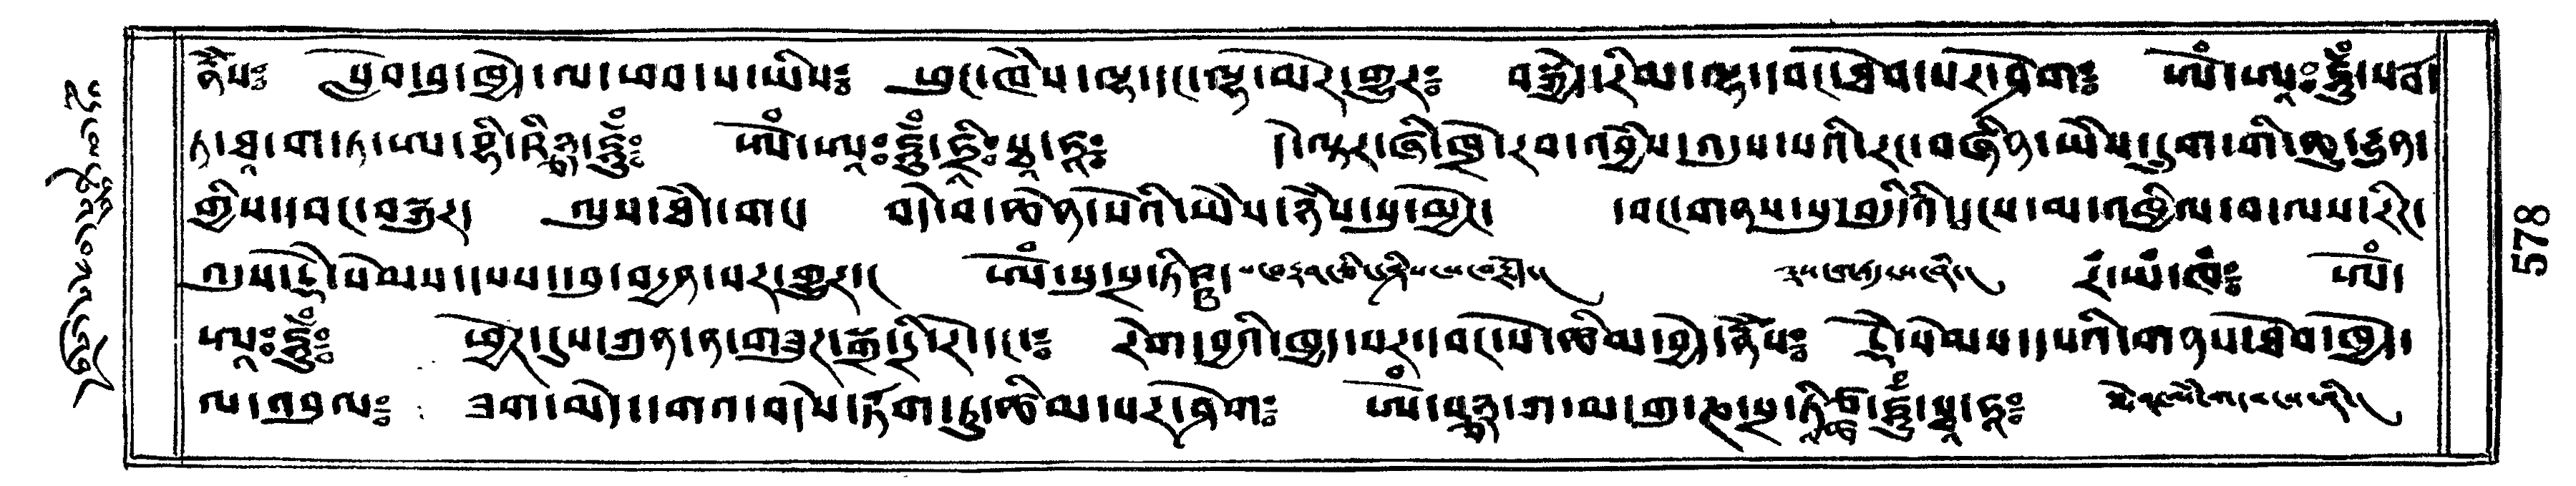རྣམས༔ སློབ་བུ་ཁྱོད་ལ་ཕབ་པ་ཡིས༔ ཕུང་ཁམས་ལྷ་དང་ལྷ་མོར་གྱུར༔ བསྐྱེད་རིམ་ལྷ་དབང་ཐོབ་པར་ཤོག༔ ཨོཾ་ཨཱཿཧཱུྃ་སརྦ་
ཏ་ཐཱ་ག་ཏ་ཨ་བྷི་རིཉྩ་ཧཱུྃ༔ ཨོཾ་ཨཱཿཧཱུྃ་ཧྲཱིཿསྭ་ཧཱ༔ དེ་ལྟར་ཞི་ཁྲོ་རབ་འབྱམས་འདུས་པའི་རང་བཞིན་ཡེ་ཤེས་དྲུག་གི་ཆུ་རྒྱུན་
གྱིས་དབང་བསྐུར། ལུས་ཐམས་ཅད་གང་། བདེ་བ་ཆེན་པོའི་ཡེ་ཤེས་ཉམས་སུ་མྱོང་། དབང་གནས་སུ་བདུད་རྩིའི་དྭངས་མ་འཁྱིལ་བ་ལས་རིགས་
འདུས་རྡོ་རྗེ་སེམས་དཔས་དབུ་བརྒྱན་པར་གྱུར། ཨོཾ་སུ་པྲ་ཏིཥྛ ས་བརྟན་ཅིང་ཤིས་པ་བརྗོད། ཟས་གཏད་པ་ནི། རཾ་ཡཾ་ཁཾ༔ ཨོཾ་
ཨཱཿཧཱུྃ༔ ཕྱོགས་དུས་ཀུན་ན་གཟུགས་སྒྲ་དྲི་རོ་དང༔ རེག་བྱའི་ཁྱད་པར་དབང་པོ་ཚིམ་བྱེད་རྣམས༔ རྡོ་རྗེ་སེམས་དཔའི་གནས་ཐོབ་ཁྱོད་
ལ་འབུལ༔ ཟག་མེད་དགའ་བདེས་རྟག་ཏུ་ཚིམ་པར་ཤོག༔ ཨོཾ་པཉྩ་ཀ་མ་གུ་ཎ་པྲ་ཏཱི་ཙྪ་ཧཱུྃ་སྭ་ཧཱ༔ སྨོན་ལམ་གདབ་པ་ནི།